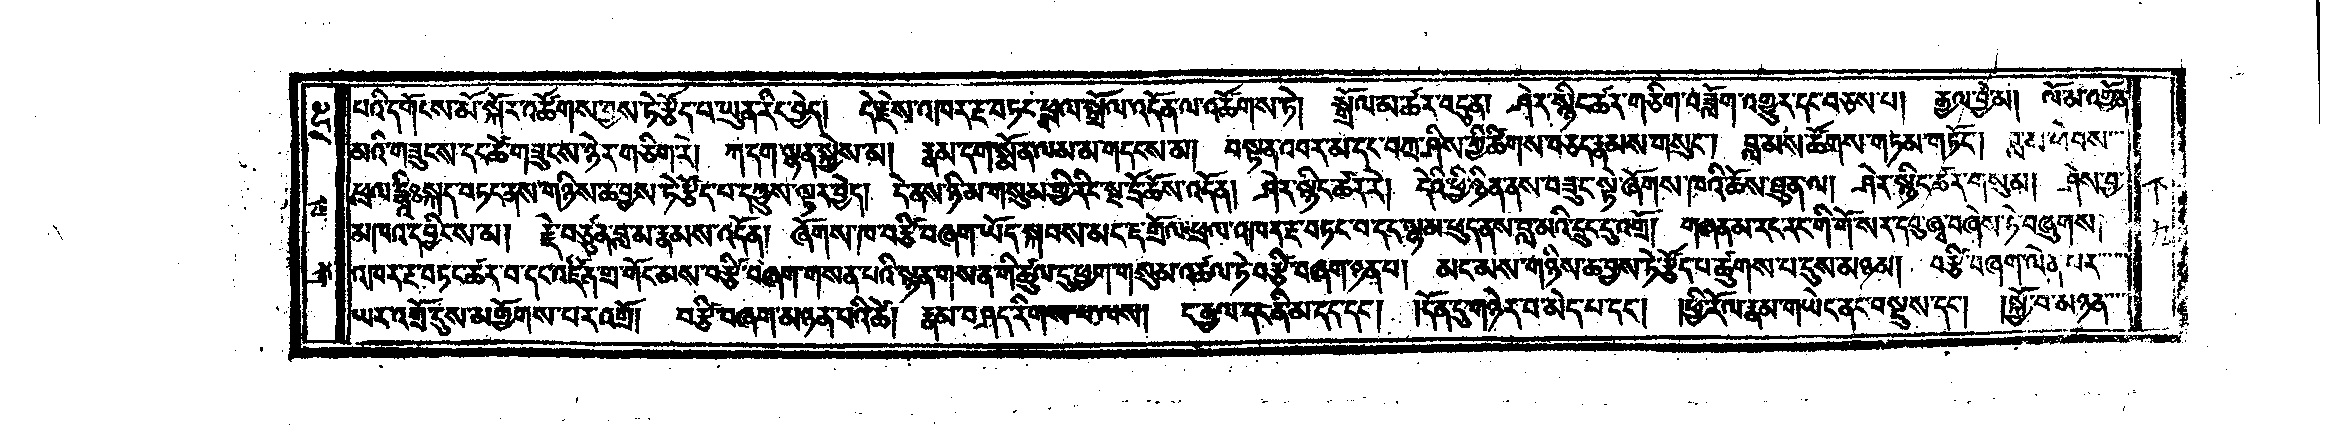བའི་དགོངས་མོ་སྐོར་འཚོགས་བྱས་ཏེ་རྩོད་པ་ཡུན་རིང་བྱེད། དེ་རྗེས་འཁར་རྔ་བཏང་འཕྲལ་སྒྲོལ་འདོན་ལ་འཚོགས་ཏེ། སྒྲོལ་མ་ཚར་བདུན། ཤེར་སྙིང་ཚར་གཅིག་བཟློག་འགྱུར་དང་བཅས་པ། རྒྱལ་བྱེ་མ། ལོ་མ་འགྱོན་
མའི་གཟུངས་དང་ཚེ་གཟུངས་ཉེར་གཅིག་རེ། ཀ་དག་ལྷན་སྐྱེས་མ། རྣམ་དག་སྨོན་ལམ་མ་གདངས་མ། བསྟན་འབར་མ་དང་བཀྲ་ཤིས་ཀྱི་ཚིགས་བཅད་རྣམས་གསུང་། བླ་མས་ཚོགས་གཏམ་གཏོང་། བླ་མ་ཕེབས་
འཕྲལ་དྷཱིཿསྐད་བཏང་ནས་གཉིས་ཆ་བྱས་ཏེ་རྩོད་པ་དཀྱུས་ལྟར་བྱེད། དེ་ནས་ཉི་མ་གསུམ་གྱི་རིང་སྔ་དྲོ་ཆོས་འདོན། ཤེར་སྙིང་ཚར་རེ། དེའི་ཕྱི་ཉིན་ནས་བཟུང་སྟེ་ཞོགས་ཁའི་ཆོས་ཐུན་ལ། ཤེར་སྙིང་ཚར་གསུམ། ཤེས་བྱ་
མཁའ་དབྱིངས་མ། རྗེ་བཙུན་བླ་མ་རྣམས་འདོན། ཞོགས་ཁ་བརྩི་བཞག་ཡོད་སྐབས་མང་ཇ་གྲོལ་འཕྲལ་འཁར་རྔ་བཏང་བ་དང་ལྷམ་ཕུད་ནས་བླ་མའི་དྲུང་དུ་འགྲོ། གཞན་མ་རང་རང་གི་གོ་སར་དབུ་ཞྭ་བཞེས་ཏེ་བཞུགས།
འཁར་རྔ་བཏང་ཚར་བ་དང་འཛིན་གྲ་གོང་མས་བརྩི་བཞག་གསན་པའི་སྙན་གསན་གི་ཚུལ་དུ་ཕྱག་གསུམ་འཚལ་ཏེ་བརྩི་བཞག་ཉན་པ། མང་མས་གཉིས་ཆ་བྱས་ཏེ་རྩོད་པ་ཚུགས་པ་དུས་མཉམ། བརྩི་བཞག་ལེན་པར་
ཡར་འགྲོ་དུས་མགྱོགས་པར་འགྲོ། བརྩི་བཞག་མཉན་པའི་ཚེ། རྣམ་བཤད་རིགས་པ་ལས། ང་རྒྱལ་དང་ནི་མ་དད་དང་། །དོན་དུ་གཉེར་བ་མེད་པ་དང་། །ཕྱི་རོལ་རྣམ་གཡེང་ནང་བསྡུས་དང་། །སྐྱོ་བ་མཉན་